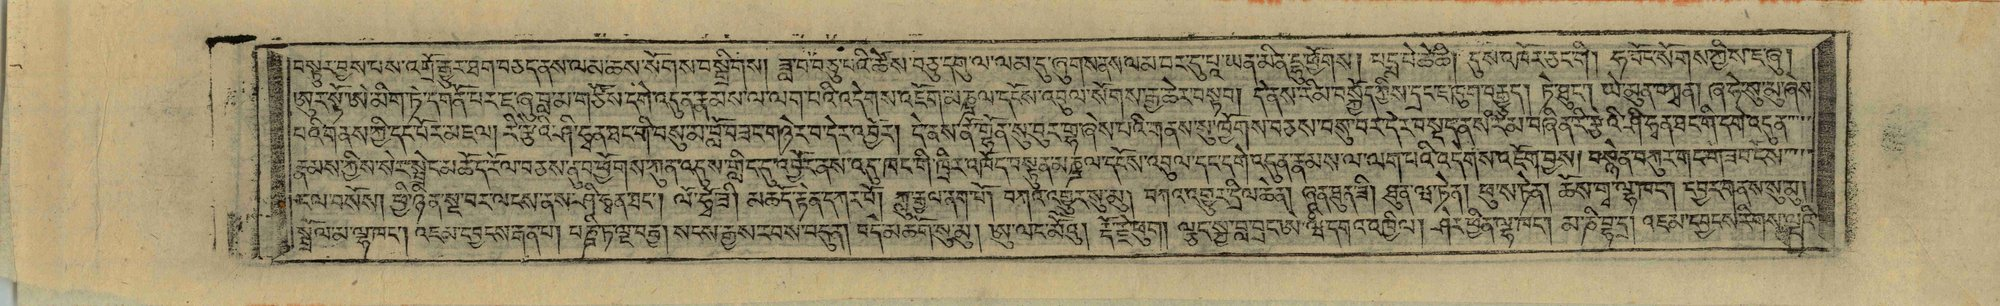བསྟུར་བྱས་པས་འགྲོ་རྒྱུར་ཐག་བཅད་ནས་ལམ་ཆས་སོགས་བསྒྲིགས། ཟླ་བ་བཅུ་པའི་ཚེས་བཅུ་དགུ་ལ་ལམ་དུ་ཞུགས་ནས་ལམ་བར་དུ་པཱ་ཡན་མིན་དྷུ་ཕྱོགས། པདམ་པེ་ཆེ་ཆི། དུས་འཁོར་ཅང་གི །ཧ་བོང་སོགས་ཀྱིས་ཇ་ཞུ།
ཨུར་སྟོ་ཨེ་མིག་ཏེ་དགོན་པར་ཇ་ཞུ་བླ་མ་གཙོས་དགེ་འདུན་རྣམས་ལ་ལག་པའི་འདེགས་འཇོག་མཎྜལ་དངོས་འབུལ་སོགས་རྒྱ་ཆེར་བསྟབ། དེ་ནས་རིམ་བསྐྱོད་ཀྱིས་དྲང་ཇ་ཁུག་བརྒྱུད། ཏེ་ཐུང་། ཡེ་མུན་བཀྭན། ཞ་ཧེ་སུ་མུ་ཞེས་
པའི་གནས་ཀྱི་དང་པོར་མཇལ། རི་རྩེའི་ཤི་ཧྭན་ཐང་གི་བསུ་མ་བློ་བཟང་གཉེར་བ་དེར་འབྱོར། དེ་ནས་ནོ་གྷོན་སུ་བུར་གྷ་ཞེས་པའི་གནས་སུ་ཁྱོགས་བཅས་བསུ་བར་དེར་བསྡད་ནས་རིམ་བཞིན་རི་རྩེའི་ཤི་ཧྭན་ཐང་གི་དགེ་འདུན་
རྣམས་ཀྱིས་སེར་སྦྲེང་མཆོད་རོལ་བཅས་ནུབ་ཕྱོགས་ཀུན་འདུས་གླིང་དུ་འབྱོར་ནས་འདུ་ཁང་གི་ཁྲིར་འཁོད་བསྟུན་མཎྜལ་དངོས་འབུལ་དང་དགེ་འདུན་རྣམས་ལ་ལག་པའི་འདེགས་འཇོག་བྱས། བསྙེན་བཀུར་གང་གཟབ་ངོས་
ངལ་བསོས། ཕྱི་ཉིན་སྔ་བར་ལངས་ནས་ཤི་ཧྭན་ཐང་། ལོ་ཧྭོ་ཟི། མཆོད་རྟེན་དཀར་པོ། ཀླུ་རྒྱལ་ནག་པོ། བཀའ་འགྱུར་སུ་མུ། བཀའ་འགྱུར་དྲིལ་ཆེན། ཞཱན་ཐུན་ཟི། ཐུན་ཝ་ཏེན། ཕུ་ས་ཏེན། ཆོས་གྭ་ལྷ་ཁང་། དབྱར་གནས་སུ་མུ།
སྒྲོལ་མ་ལྷ་ཁང་། འཇམ་དབྱངས་རྒན་པ། པཎྜི་ཏ་ལྔ་བརྒྱ། སངས་རྒྱས་རབས་བདུན། བདེ་མཆོག་སུ་མུ། ཨུ་ལང་མོའུ། རྡོ་རྗེ་ཕུག །ལྕང་སྐྱ་བླ་བྲང་ཨེ་ཝཾ་དགའ་འཁྱིལ། ཤེར་ཕྱིན་ལྷ་ཁང་། མ་ཎི་བྷ་དྲ། འཇམ་དབྱངས་རིགས་ལྔའི་